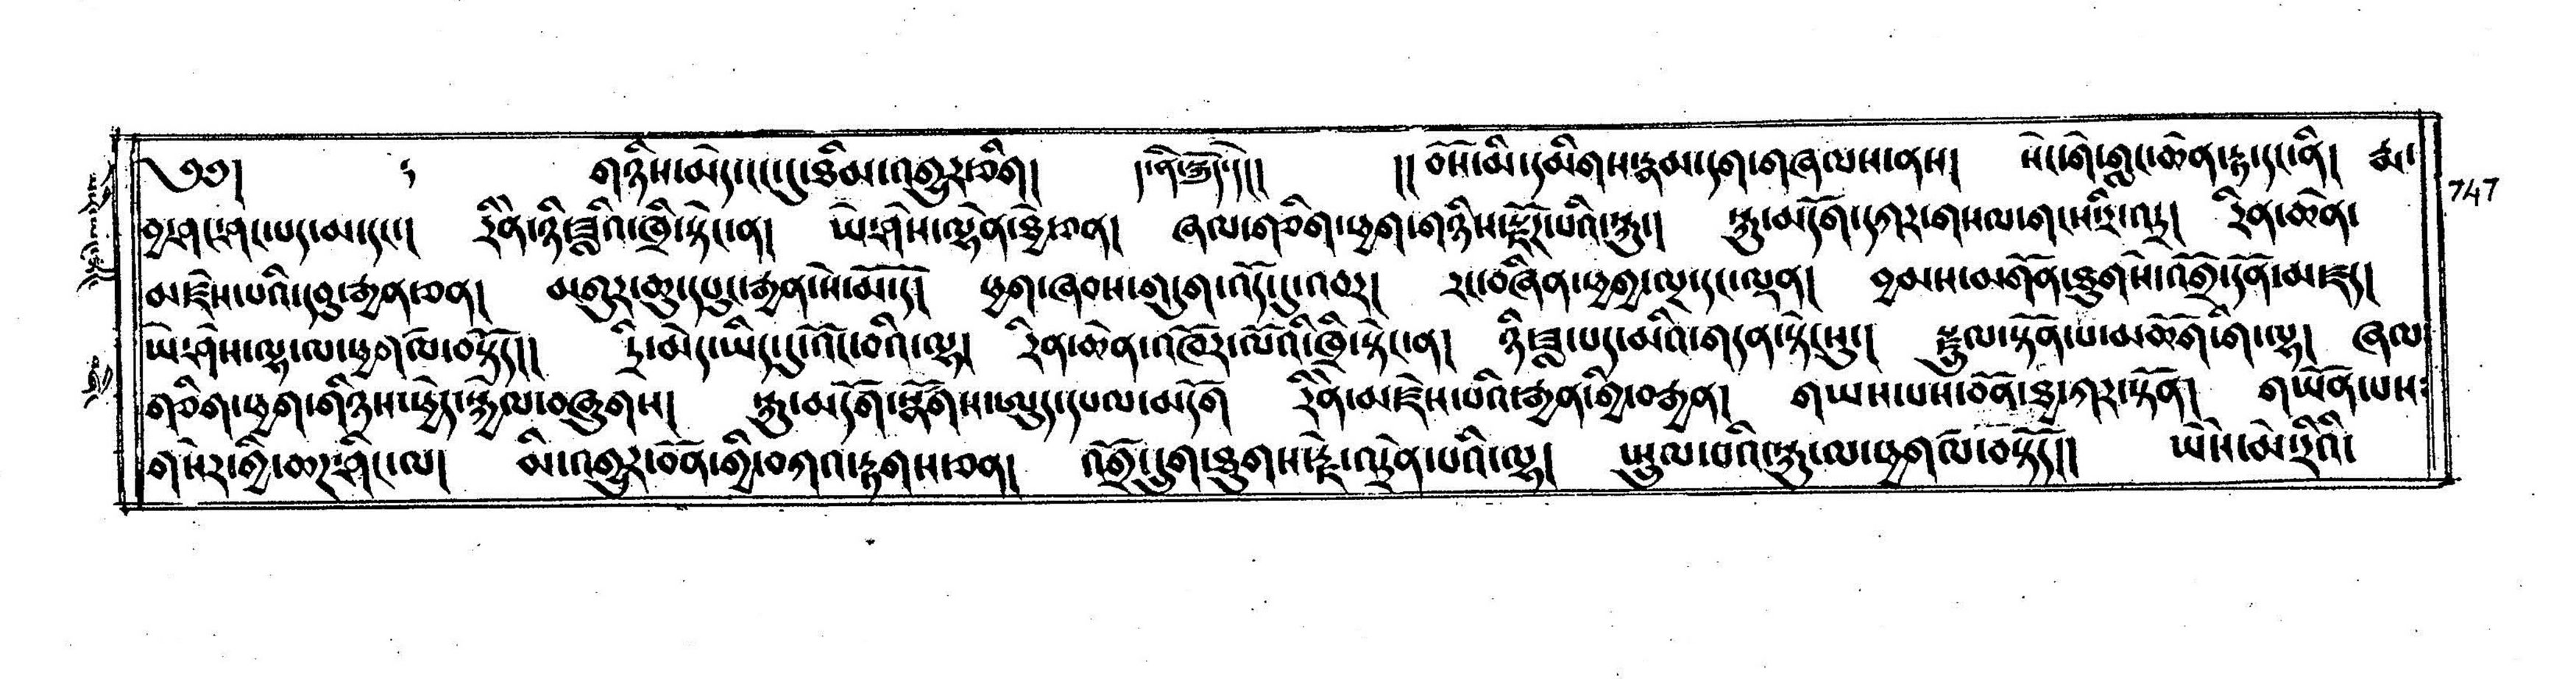གཉིས་མེད་ངང་དུ་ཐིམ་འགྱུར་ཅིག ད་ནི་སྐུ་བསྟོད་དེ།། །།བསོ་མི་དམིགས་རྣམ་དག་གཞལ་ཡས་ནས། སེང་གེ་གླང་ཆེན་རྟ་དང་ནི། རྨ་
བྱ་ཤང་ཤང་པད་མ་དང་། རིན་ཆེན་ཉི་ཟླའི་ཁྲི་སྟེང་ན། ཡེ་ཤེས་ལྷ་ཆེན་ཐུགས་རྗེ་ཅན། ཞལ་གཅིག་ཕྱག་གཉིས་རྫོགས་པའི་སྐུ། སྐུ་མདོག་དཀར་གསལ་གངས་རི་འདྲ། རིན་ཆེན་
མཛེས་པའི་དབུ་རྒྱན་ཅན། མགུར་ཆུ་དཔུང་རྒྱན་སེ་མོ་དོ། ཕྱག་གདུབ་ཞབས་གདུབ་འོད་དུ་འབར། རང་བཞིན་ཕྱག་རྒྱ་ལྔ་དང་ལྡན། བྱམས་མགོན་ཐུགས་རྗེ་འགྲོ་དོན་མཛད། 
ཡེ་ཤེས་ལྷ་ལ་ཕྱག་འཚལ་བསྟོད།། དྲི་མེད་ཡིད་དུ་འོང་བའི་ལྷ། རིན་ཆེན་འཁོར་ལོའི་ཁྲི་སྟེང་ན། ཉི་ཟླ་པད་མའི་གདན་སྟེངས་སུ། རྫུ་འཕྲུལ་སྟོན་པ་མཆོག་གི་ལྷ། ཞལ་
གཅིག་ཕྱག་གཉིས་ཕྱེད་སྐྱེལ་བཞུགས། སྐུ་མདོག་སྣ་ཚོགས་ཨུད་དཔལ་མདོག རིན་ཆེན་མཛེས་པའི་རྒྱན་གྱི་བརྒྱན། གཡས་པས་བོན་ཐུགས་ཀར་སྟོན། གཡོན་པས་
གསེར་གྱི་ཆགས་ཤིང་ལ། མི་འགྱུར་བོན་གྱི་བཀའ་རྟགས་ཅན། འགྲོ་དྲུག་ཐུགས་རྗེ་འདྲེན་པའི་ལྷ། སྤྲུལ་པའི་སྐུ་ལ་ཕྱག་འཚལ་བསྟོད། ཡེ་ཤེས་མེ་རིའི་